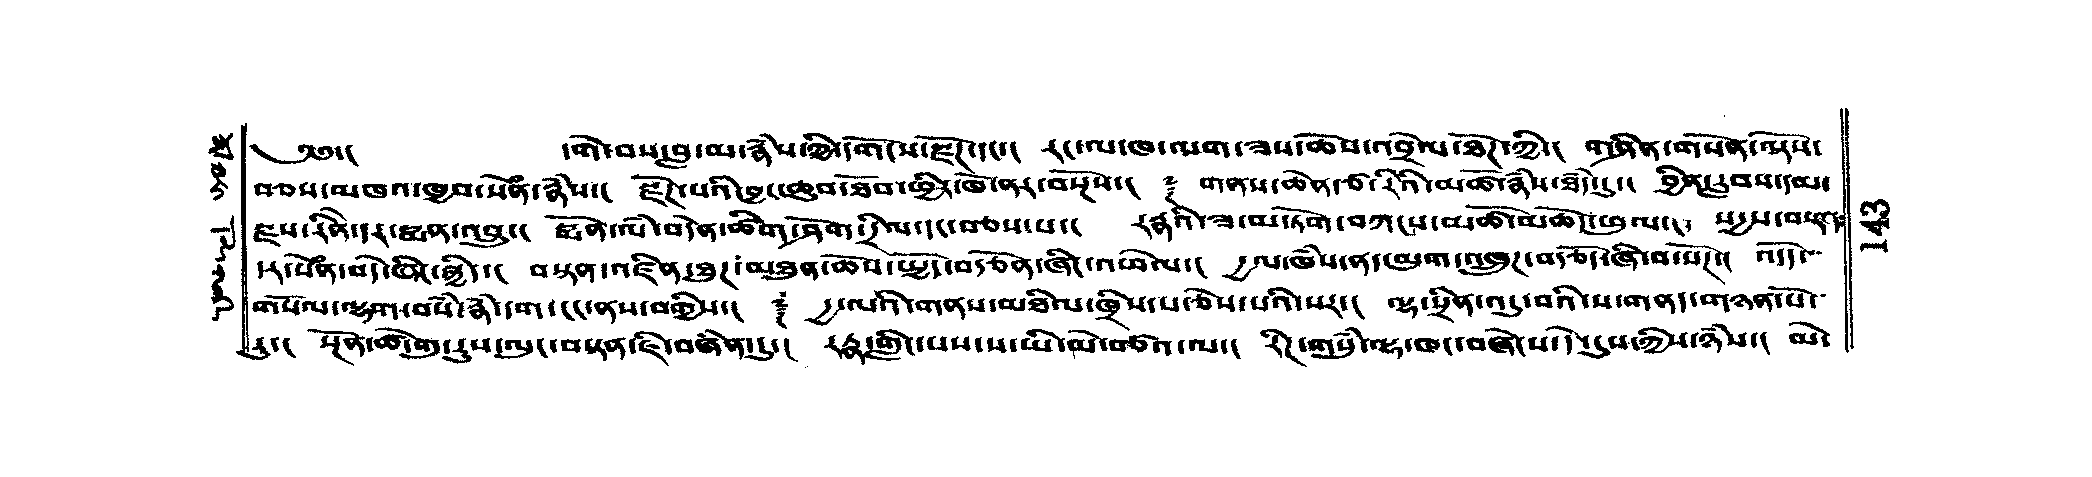།དགེ་བས་བླ་མ་རྣམས་ཀྱི་དགོངས་རྫོགས་དང་། །རང་ལ་ཁ་ལག་ཟས་ཆོས་འབྲེལ་ཐོགས་ཀྱི། །གཤིན་གསོན་ལྟོས་
བཅས་མཁའ་ཁྱབ་སེམས་ཅན་རྣམས། །རྫོགས་པའི་བྱང་ཆུབ་ཐོབ་ཕྱིར་ཁོ་ནར་བསྔོས། །གནས་ཆེན་ཙཱ་རིའི་མཚོ་རྣམས་ཐམས་ཅད་དུ། །བྱིན་རླབས་དམ་
རྫས་རིན་ཆེན་དར་སྨན་འབྲུ། །སྨོན་ལམ་བདེན་ཚིག་ཤོག་དྲིལ་དང་བཅས་པ། །རཏྣའི་ཟ་མ་ཏོག་བཀངས་མཚོ་མཆོད་ཕུལ། །སངས་རྒྱས་བསྟན་
དར་སེམས་ཅན་བདེ་ཞིང་སྐྱིད། །བསྟན་འཛིན་ཐུགས་མཐུན་ཆོས་སྤྱོད་བརྩོན་ཞིང་འཕེལ། །རྒྱལ་ཁམས་ནད་མུག་འཁྲུགས་བརྩོད་ཞི་བ་སོགས། །འདོད་
གསོལ་ལྷག་བསམ་རྣམ་དག་ངང་ནས་བགྱིས། །རྒྱ་ལའི་གནས་མཐིལ་ཁྲིས་པ་ཞེས་པའི་སར། །ལྷ་སྲིན་འདུལ་བའི་ས་གནད་གཉན་པོ་
རུ། །སྔོན་ཚེ་གུ་རུས་ལུང་བསྟན་ཇི་བཞིན་དུ། །རཏྣ་གླིང་པས་ས་ཡི་མེ་བཙའ་ལ། །རིགས་གསུམ་ལྷ་ཁང་བཞེངས་དེ་དུས་ཀྱིས་ཉམས། །མེ་